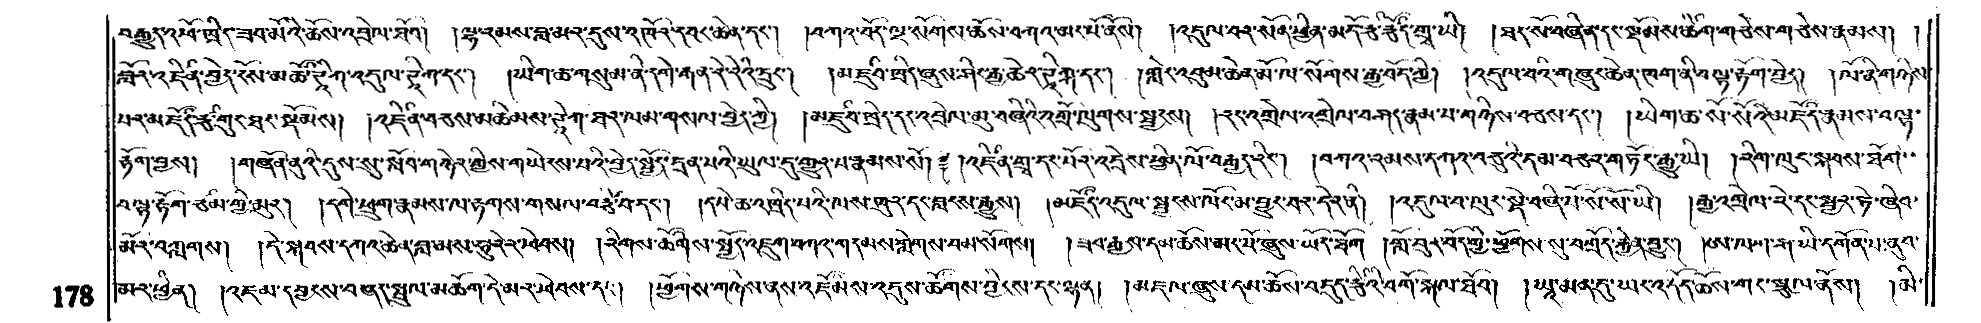བརྒྱུད་འཕོ་ཁྲིད་ཟབ་མོའི་ཆོས་འབྲེལ་ཐོབ། །ལྷ་རམས་བླ་མར་དུས་འཁོར་དབང་ཆེན་དང་། །བཀའ་བོད་ལྔ་སོགས་ཆོས་བཀའ་མང་བོ་ནོས། །འདུལ་བར་སོན་ཕྱིན་མདོ་རྩ་རྩོད་གྲྭ་ཡི། །ཐད་སོ་བཞིན་དང་སྡོམས་ཚིག་གཅེས་གཅེས་རྣམས། །
བློར་འཛིན་བྱེད་ངོས་མཚོ་ཊཱིཀ་འདུལ་ཊཱིཀ་དང་། །ཡིག་ཆ་གསུམ་ནི་དགེ་རྒན་རེ་རེའི་དྲུང་། །མཛུབ་ཁྲིད་ཞུས་ཤིང་རྒྱ་ཆེར་ཊཱིཀྐ་དང་། །གླེང་འབུམ་ཆེན་མོ་ལ་སོགས་རྒྱ་བོད་ཀྱི། །འདུལ་བའི་གཞུང་ཆེན་ཁག་ནི་བལྟ་རྟོག་བྱེད། །ལོ་ནི་གཉིས་
པར་མཛོད་རྩ་གུང་ཐང་སྡོམས། །འཛིན་བཅས་མཆིམས་ཊཱིཀ་ཐར་ལམ་གསལ་བྱེད་ཀྱི། །མཛུབ་ཁྲིད་དང་འབྲེལ་མུ་བཞིའི་འགྲོ་ལུགས་སྦྱངས། །རང་འགྲེལ་འགྲེལ་བཤད་རྣམ་པ་གཉིས་བཅས་དང་། །ཡིག་ཆ་སོ་སོའི་མཛོད་རྣམས་བལྟ་
རྟོག་བྱས། །གཞོན་ནུའི་དུས་སུ་སློབ་གཉེར་གྱིས་གཡེངས་པའི་བྱེད་སྤྱོད་དྲན་པའི་ཡུལ་དུ་གྱུར་པ་རྣམས་སོ། ༈ །འཛིན་གྲྭ་དང་པོར་འདྲེས་ཕྱིན་ལོ་བརྒྱད་རིང་། །བཀའ་རམས་དཀའ་བཅུའི་དམ་བཅར་གཏོང་རྒྱུ་ཡི། །རིག་ལུང་སྐབས་ཐོག་
བལྟ་རྟོག་ཙམ་གྱི་མུར། །དགེ་ཕྲུག་རྣམས་ལ་རྟགས་གསལ་བརྩི་བ་དང་། །དཔེ་ཆ་འཁྲིད་པའི་ལས་ཁུར་དང་བླངས་རྒྱུས། །མཛོད་འདུལ་སྦྱངས་ལོང་མ་བྱུང་བར་དེར་ནི། །འདུལ་བ་ལུང་སྡེ་བཞི་པོ་སོ་སོ་ཡི། །རྒྱ་འགྲེལ་རེ་དང་སྦྱར་ཏེ་ཞིབ་
མོར་བཀླགས། །དེ་སྐབས་དཀའ་ཆེན་བླ་མས་ཧུ་རེར་ཕེབས། །རིགས་ཚོགས་སྤྱོད་འཇུག་བཀའ་གདམས་གླེགས་བམ་སོགས། །ཟབ་རྒྱས་དམ་ཆོས་མང་བོ་ཞུས་ཡོད་ཐོག །གློ་བུར་བོད་གྱི་ཕྱོགས་སུ་བགྲོད་རྐྱེན་བྱུང་། །ཨ་ལག་ཤ་ཡི་དགོན་པ་ནུབ་
མར་ཕྱིན། །འཇམ་དབྱངས་བཞད་སྤྲུལ་མཆོག་དེ་མར་ཕེབས་དང་། །ཕྱོགས་གཉིས་ནས་འཛོམས་འདུས་ཚོགས་བྱིངས་དང་ལྷན། །མཇལ་ཞུས་དམ་ཆོས་བདུད་རྩིའི་བགོ་སྐལ་ཐོབ། །ཡཱ་མན་དུ་ཡང་འདོད་ཆོས་གང་སྩལ་ནོས། །མི་